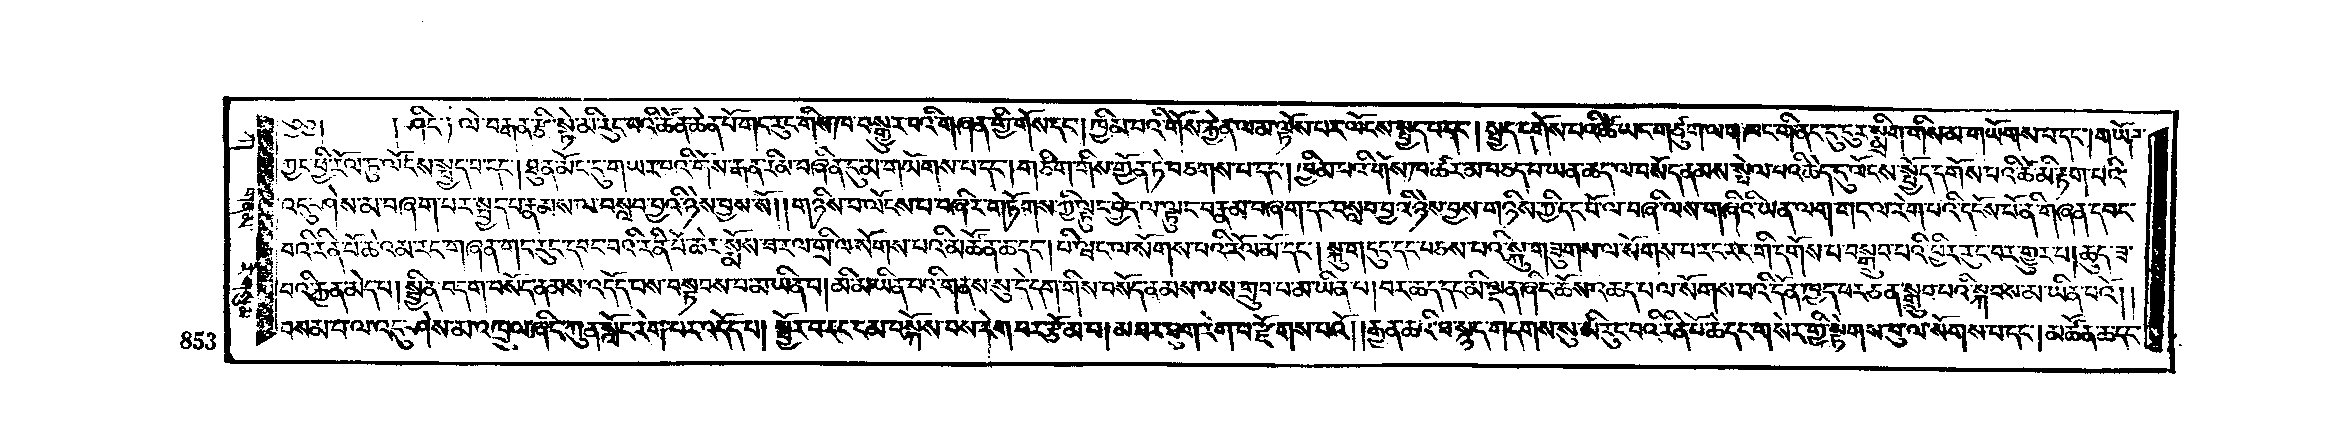༄༅། །ཤིང༑ ལེ་བརྒན་རྩི་སྟེ་མི་རུང་བའི་ཚོན་ཆེན་པོ་གང་རུང་གིས་ཁ་བསྒྱུར་བའི་གཞན་གྱི་གོས་དང་། ཁྱིམ་པའི་གོས་རྐྱེན་ལམ་ལྟོས་པར་ལོངས་སྤྱད་པ་དང་། སྤྱད་དགོས་པའི་ཚེ་ཡང་གཙུག་ལག་ཁང་གི་ནང་དུ་ངུར་སྨིག་གིས་མ་གཡོགས་པ་དང་། གཡོགས་
ཀྱང་ཕྱི་རོལ་ཏུ་ལོངས་སྤྱད་པ་དང་། ཐུན་མོང་དུ་གཡར་བའི་གོས་རྒན་རིམ་བཞིན་དུ་མ་གཡོགས་པ་དང་། གཅིག་གིས་གྱོན་ཏེ་བཅགས་པ་དང་། ཁྱིམ་པའི་གོས་ཁ་ཚར་མ་བཅད་པ་ཡན་ཆད་ལ་བསོད་ནམས་སྤེལ་བའི་ཆེད་དུ་ལོངས་སྤྱོད་དགོས་པའི་ཚེ་མི་རྟག་པའི་
འདུ་ཤེས་མ་བཞག་པར་སྤྱད་པ་རྣམས་ལ་བསླབ་བྱའི་ཉེས་བྱས་སོ། །གཉིས་པ་ལོངས་པ་བཞིར་གཏོགས་ཀྱི་ལྟུང་བྱེད་ལ་ལྟུང་བ་རྣམ་བཞག་དང་བསླབ་བྱའི་ཉེས་བྱས་གཉིས་ཀྱི་དང་པོ་ལ་བཞི་ལས་གཞིའི་ཡན་ལག་གང་ལ་རེག་པའི་དངོས་པོ་ནི་གཞན་དབང་
བའི་རིན་པོ་ཆེ་འམ་རང་གཞན་གང་རུང་དབང་བའི་རིན་པོ་ཆེར་སྨོས་པ་རལ་གྲི་ལ་སོགས་པའི་མཚོན་ཆ་དང་། པི་ཝང་ལ་སོགས་པའི་རོལ་མོ་དང་། སྐུ་གདུང་དང་བཅས་པའི་སྐུ་གཟུགས་ལ་སོགས་པ་རང་རང་གི་དགོས་པ་བསྒྲུབ་པའི་ཕྱིར་རུང་བར་གྱུར་པ། ཆུད་ཟ་
བའི་རྐྱན་མེད་པ། སྦྱིན་བདག་བསོད་ནམས་འདོད་པས་བསྟབས་པ་མ་ཡིན་པ། མི་མ་ཡིན་པའི་གནས་སུ་དེ་དག་གིས་བསོད་ནམས་ལས་གྲུབ་པ་མ་ཡིན་པ། བར་ཆད་དང་མི་ལྡན་ཞིང་ཆོས་འཆད་པ་ལ་སོགས་པའི་དོན་ཁྱད་པར་ཅན་སྒྲུབ་པའི་སྐབས་མ་ཡིན་པའོ། །
བསམ་པ་ལ་འདུ་ཤེས་མ་འཁྲུལ་ཞིང་ཀུན་སློང་རེག་པར་འདོད་པ། སྦྱོར་བ་རང་ངམ་བསྐོས་བས་རེག་པར་རྩོམ་པ། མཐར་ཐུག་རེག་པ་རྫོགས་པའོ། །རྒྱན་ཆའི་ཐ་སྙད་གདགས་སུ་མི་རུང་བའི་རིན་པོ་ཆེ་དང་གསེར་གྱི་སྟེགས་བུ་ལ་སོགས་པ་དང་། མཚོན་ཆ་དང་